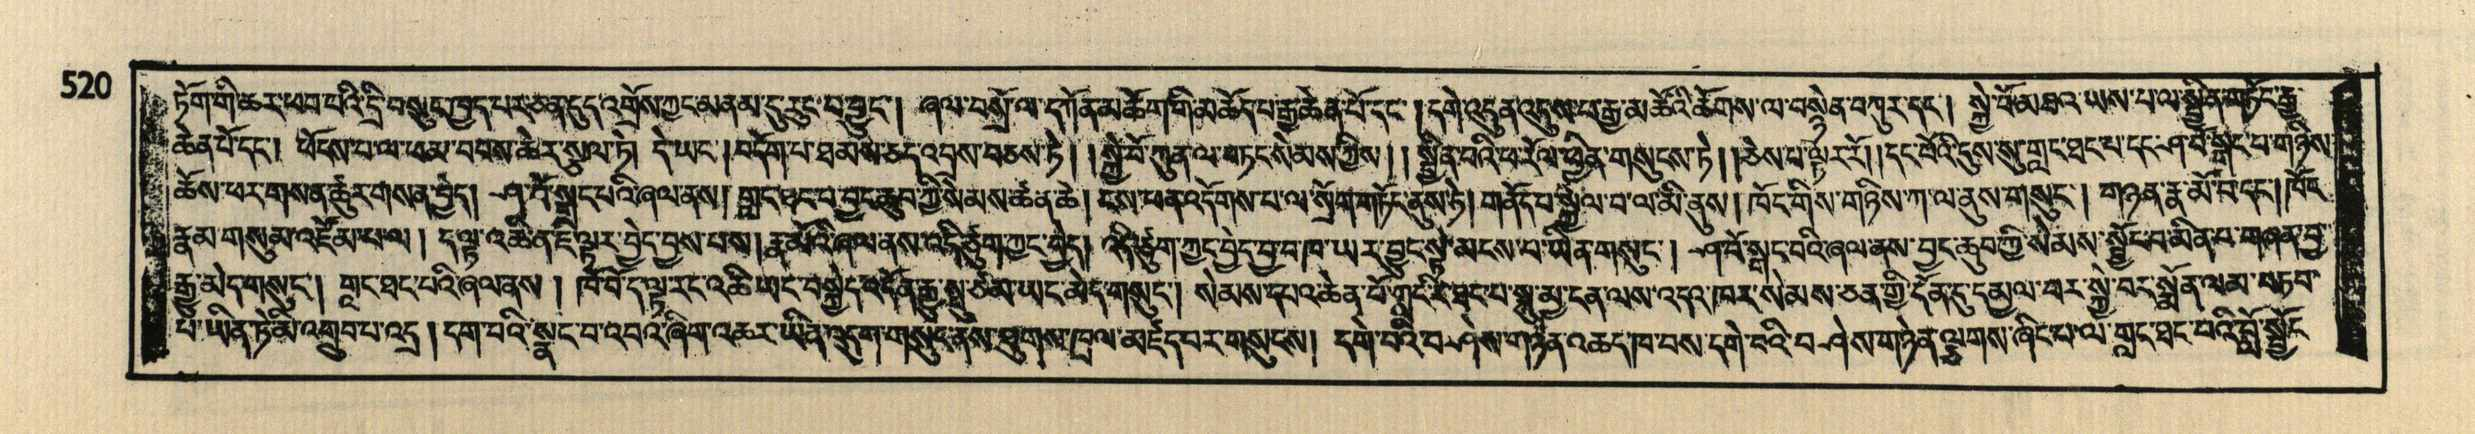ཏོག་གི་ཆར་ཕབ་པའི་དྲི་བསུང་ཁྱད་པར་ཅན་དུད་འགྲོས་ཀྱང་མནམ་དུ་རུང་བ་བྱུང་། ཞལ་བསྲོ་ལ་དཀོན་མཆོག་གི་མཆོད་པ་རྒྱ་ཆེན་པོ་དང་། དགེ་འདུན་འདུས་པ་རྒྱ་མཚོའི་ཚོགས་ལ་བསྙེན་བཀུར་དང་། སྐྱེ་བོ་མཐའ་ཡས་པ་ལ་སྦྱིན་གཏོང་རྒྱ་
ཆེན་པོ་དང་། ཕོངས་པ་ལ་ཕམ་བབས་ཆེར་སྩལ་ཏེ། དེ་ཡང་། བདོག་པ་ཐམས་ཅད་འབྲས་བཅས་ཏེ། །སྐྱེ་བོ་ཀུན་ལ་བཏང་སེམས་ཀྱིས། །སྦྱིན་པའི་ཕ་རོལ་ཕྱིན་གསུངས་ཏེ། །ཅེས་པ་ལྟར་རོ། །དང་པོའི་དུས་སུ་གླང་ཐང་པ་དང་ཤ་བ་སྒང་པ་གཉིས་
ཆོས་ཕར་གསན་ཚུར་གསན་བྱེད། ཤ་བོ་སྒང་པའི་ཞལ་ནས། གླང་ཐང་བ་བྱང་ཆུབ་ཀྱི་སེམས་ཚན་ཆེ། ངས་ཕན་འདོགས་པ་ལ་སྲོག་གཏོང་ནུས་ཏེ། གནོད་པ་སྐྱེལ་བ་ལ་མི་ནུས། ཁོང་གིས་གཉིས་ཀ་ལ་ནུས་གསུང་། གཉན་རྣ་མོ་བ་དང་། ཁོང་
རྣམ་གསུམ་འཛོམ་པ་ལ། ད་ལྟ་འཆི་ན་ཇི་ལྟར་བྱེད་བྱས་པས། རྣ་མོའི་ཞལ་ནས་འདི་ཙུག་ཀྱང་བྱེད། འདི་ཙུག་ཀྱང་བྱེད་བྱ་བ་ཁ་ཡར་བྱུང་སྟེ་མངས་པ་ཡིན་གསུང་། ཤ་བོ་སྒང་བའི་ཞལ་ནས་བྱང་ཆུབ་ཀྱི་སེམས་སྦྱོང་བ་མིན་པ་གཞན་བྱ་
རྒྱུ་མེད་གསུང་། གླང་ཐང་པའི་ཞལ་ནས། ཁོ་བོ་ད་ལྟ་རང་འཆི་ཡང་བསྐྱེད་འདོན་རྒྱུ་སྤུ་ཙམ་ཡང་མེད་གསུང་། སེམས་དཔའ་ཆེན་པོ་གླང་རི་ཐང་པ་སྐུ་མྱ་ངན་ལས་འདའ་ཁར་སེམས་ཅན་གྱི་དོན་དུ་དམྱལ་བར་སྐྱེ་བར་སྨོན་ལམ་བཏབ་
པ་ཡིན་ཏེ་མི་འགྲུབ་པ་འདྲ། དག་པའི་སྣང་བ་འབའ་ཞིག་འཆར་ཡིན་འདུག་གསུང་ནས་ཐུགས་ཁྲལ་མཛད་པར་གསུངས། དགེ་བའི་བཤེས་གཉེན་འཆད་ཁ་བས་དགེ་བའི་བཤེས་གཉེན་ལྕགས་ཞིང་པ་ལ་གླང་ཐང་བའི་བློ་སྦྱོང་